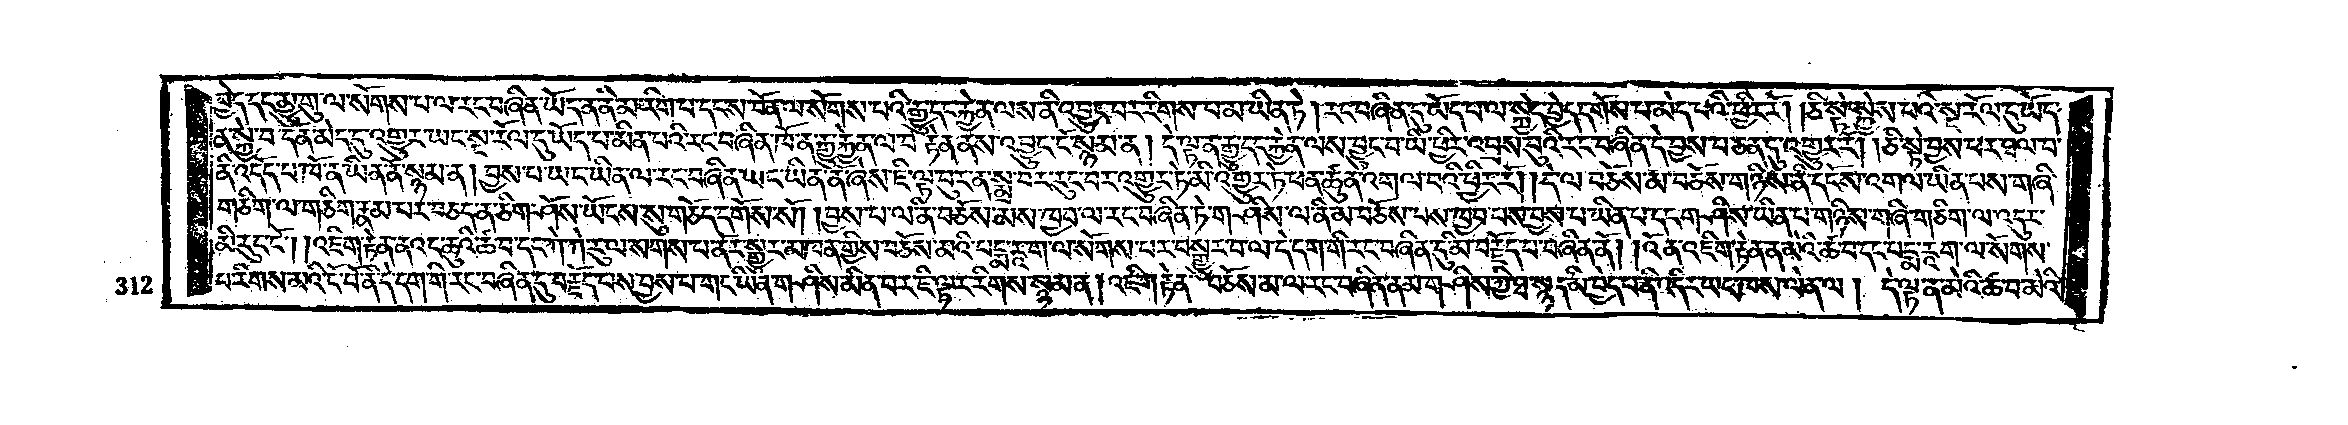བྱེད་དང་མྱུ་གུ་ལ་སོགས་པ་ལ་རང་བཞིན་ཡོད་ན་ནི་མ་རིག་པ་དང་ས་བོན་ལ་སོགས་པའི་རྒྱུ་དང་རྐྱེན་ལས་ནི་འབྱུང་བར་རིགས་པ་མ་ཡིན་ཏེ། རང་བཞིན་དུ་ཡོད་པ་ལ་སྐྱེད་བྱེད་དགོས་པ་མེད་པའི་ཕྱིར་རོ། །ཅི་སྟེ་སྐྱེས་པའི་སྔ་རོལ་དུ་ཡོད་
ན་སྐྱེ་བ་དོན་མེད་དུ་འགྱུར་ཡང་སྔ་རོལ་དུ་ཡོད་པ་མིན་པའི་རང་བཞིན་ཁ་ན་རྒྱུ་རྐྱེན་ལ་བརྟེན་ནས་འབྱུང་ངོ་སྙམ་ན། དེ་ལྟ་ན་རྒྱུ་དང་རྐྱེན་ལས་བྱུང་བ་ཡི་ཕྱིར་འབྲས་བུའི་རང་བཞིན་དེ་བྱས་པ་ཅན་དུ་འགྱུར་རོ། །ཅི་སྟེ་བྱས་པར་ཐལ་བ་
ན་འདོད་པ་ཁོ་ན་ཡིན་ནོ་སྙམ་ན། བྱས་པ་ཡང་ཡིན་ལ་རང་བཞིན་ཡང་ཡིན་ནོ་ཞེས་ཇི་ལྟ་བུར་ན་སྨྲ་བར་རུང་བར་འགྱུར་ཏེ་མི་འགྱུར་ཏེ་ཕན་ཚུན་འགལ་བའི་ཕྱིར་རོ། །དེ་ལ་བཅས་མ་བཅོས་གཉིས་ནི་དངོས་འགལ་ཡིན་པས་གཞི་
གཅིག་ལ་གཅིག་རྣམ་པར་བཅད་ན་ཅིག་ཤོས་ཡོངས་སུ་གཅོད་དགོས་སོ། །བྱས་པ་ལ་ནི་བཅོས་མས་ཁྱབ་ལ་རང་བཞིན་ཏེ་གཤིས་ལ་ན་མ་བཅོས་པས་ཁྱབ་པས་བྱས་པ་ཡིན་པ་དང་གཤིས་ཡིན་པ་གཉིས་གཞི་གཅིག་ལ་འདུང་
མི་རུང་ངོ། །འཇིག་རྟེན་ནའང་ཆུའི་ཚ་བ་དང་ཀེ་ཀེ་རུ་ལ་སོགས་པ་ནོར་སྒྱུར་མཁན་གྱིས་བཅོས་མའི་པདམ་རཱ་ག་ལ་སོགས་པར་བསྒྱུར་བ་ལ་དེ་དག་གི་རང་བཞིན་དུ་མི་བརྗོད་པ་བཞིན་ནོ། །འོ་ན་འཇིག་རྟེན་ན་མེའི་ཚ་བ་དང་པདམ་རཱ་ག་ལ་སོགས་
པ་རིགས་མའི་ངོ་བོ་ནི་དེ་དག་གི་རང་བཞིན་དུ་བརྗོད་པས་བྱས་པ་གང་ཡིན་གཤིས་མིན་པར་ཇི་ལྟར་རིགས་སྙམ་ན། འཇིག་རྟེན་བཅོས་མ་ལ་རང་བཞིན་ནམ་གཤིས་ཀྱི་ཐ་སྙད་མི་བྱེད་པ་ནི་འདིར་ཡང་ཁས་ལེན་ལ། དེ་ལྟ་ན་མེའི་ཚ་བ་མེའི་